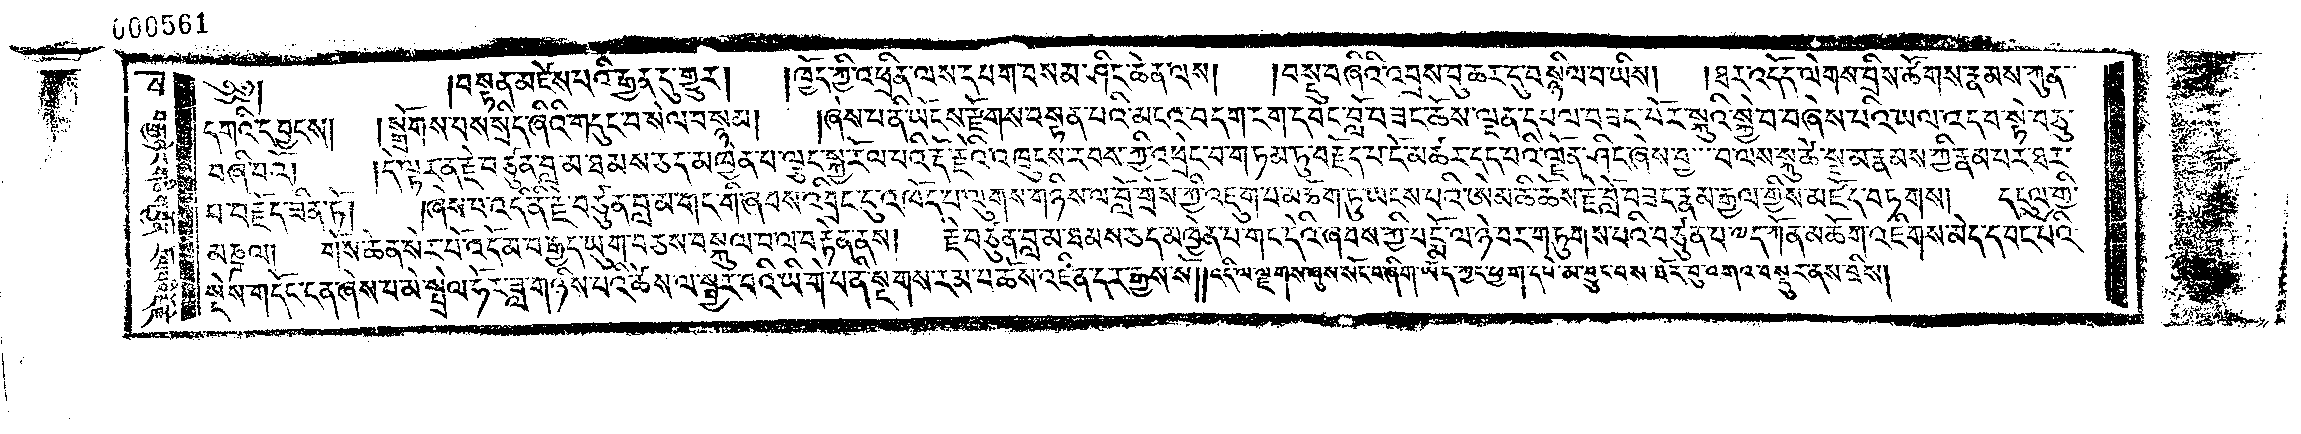༄༅། །བསྟན་མཛེས་པའི་རྒྱན་དུ་གྱུར། །ཁྱོད་ཀྱི་འཕྲིན་ལས་དཔག་བསམ་ཤིང་ཆེན་ལས། །བསྡུ་བཞིའི་འབྲས་བུ་ཆར་དུ་བསྙིལ་བ་ཡིས། །ཐར་འདོད་ལེགས་བྲིས་ཚོགས་རྣམས་ཀུན་
དགའི་དབྱངས། །སྒྲོགས་པས་སྲིད་ཞིའི་གདུང་བ་སེལ་བ་སྙམ། །ཞེས་པ་ནི་ཡོངས་རྫོགས་བསྟན་པའི་མངའ་བདག་ངག་དབང་བློ་བཟང་ཆོས་ལྡན་དཔལ་བཟང་པོར་སྐུའི་སྐྱེ་བ་བཞེས་པའི་ཡལ་འདབ་སྟེ་བཅུ་
བཞི་པའོ། །དེ་ལྟར་ན་རྗེ་བཙུན་བླ་མ་ཐམས་ཅད་མཁྱེན་པ་ལྕང་སྐྱ་རོལ་པའི་རྡོ་རྗེའི་འཁྲུངས་རབས་ཀྱི་འཕྲེང་བ་གཏམ་ཏུ་བརྗོད་པ་ངོ་མཚར་དད་པའི་ལྗོན་ཤིང་ཞེས་བྱ་བ་ལས་སྐུ་ཚེ་སྔ་མ་རྣམས་ཀྱི་རྣམ་པར་ཐར་
པ་བརྗོད་ཟིན་ཏོ། །ཞེས་པ་འདི་ནི་རྗེ་བཙུན་བླ་མ་གང་གི་ཞབས་འབྲིང་དུ་འཁོད་པ་ལུགས་གཉིས་ལ་བློ་གྲོས་ཀྱི་འཇུག་བ་མཆོག་ཏུ་ཡངས་པའི་ཨེམ་ཆི་ཆོས་རྗེ་བློ་བཟང་རྣམ་རྒྱལ་གྱིས་མཛོད་བཏགས། དངུལ་གྱི་
མཎྜལ། གོས་ཆེན་སེར་པོ་འདོམ་བརྒྱད་ཡུག་བཅས་བསྐུལ་བ་ལ་བརྟེན་ནས། རྗེ་བཙུན་བླ་མ་ཐམས་ཅད་མཁྱེན་པ་གང་དེའི་ཞབས་ཀྱི་པདམོ་ལ་ཉེ་བར་གཏུགས་པའི་བཙུན་པ་༧་དཀོན་མཆོག་འཇིགས་མེད་དབང་པོའི་
སྡེས་གདོང་ངན་ཞེས་པ་མེ་སྤྲེལ་ཧོར་ཟླ་གཉིས་པའི་ཚེས་ལ་སྦྱར་བའི་ཡི་གེ་པ་ནི་སྔགས་རམ་པ་ཆོས་འཛིན་དར་རྒྱས་སོ། །འདི་ལ་ལྗགས་ཞུས་སོང་བ་ཞིག་ཡོད་ཀྱང་ཕྱག་དཔེ་མ་སྙུང?་བས་ཐོར་བུ་འགའ་བ་སྡུར་ནས་བྲིས།